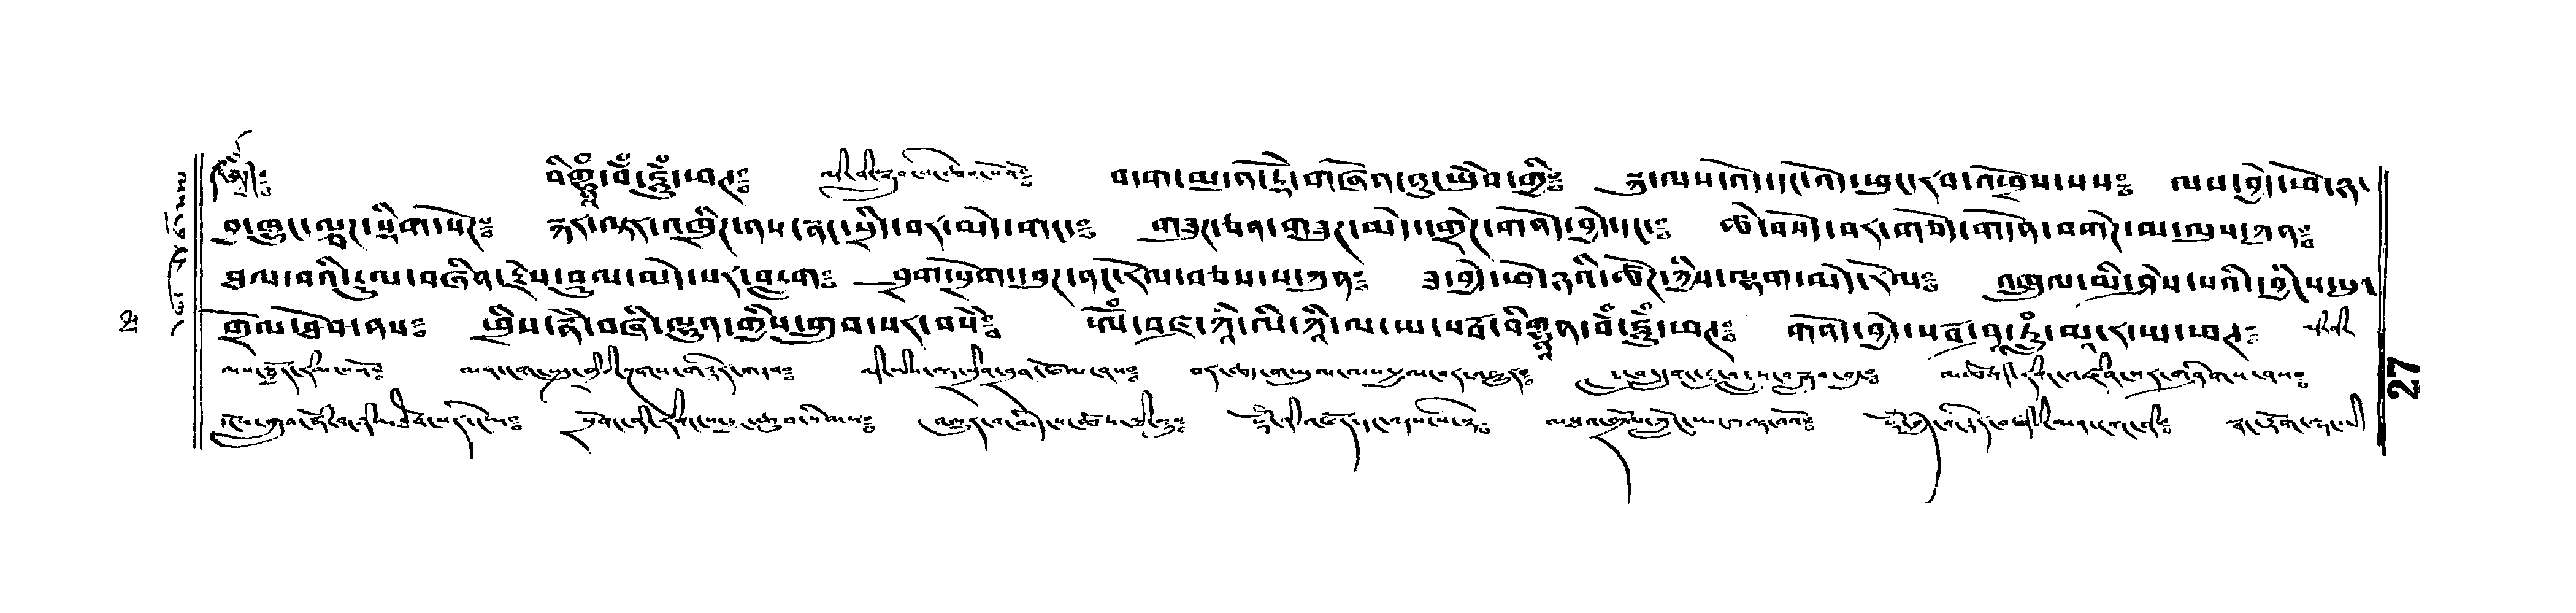བིགྷྣཱཾ་བྃ་ཧཱུྃ་ཕཊཿ འདི་ནི་སྒྲུབ་པ་ཆེན་པོའོ༔ བདག་མདུན་རྡོ་རྗེ་གཞོན་ནུ་ཡབ་ཡུམ་གྱི༔ སྐུ་ལས་འོད་དང་འོད་ཕུང་རབ་འཕྲོས་པས༔ ལས་བྱེད་ཕོ་ཉ་
བྱ་ཁྱུང་ལྕགས་སྡིག་སོགས༔ སྐར་ལྟར་འཁྲིགས་ནས་སྣང་སྲིད་བར་མེད་གང༔ གཟུགས་ཅན་གཟུགས་མེད་དགྲ་བགེགས་གནོད་བྱེད་དང༔ ཚེ་བསོད་བར་གཅོད་གདོན་བགེགས་མ་ལུས་ཀུན༔ 
ཐལ་བའི་རྡུལ་བཞིན་རྗེས་ཤུལ་མེད་པར་བརླག༔ ཤ་ཁྲག་སྲོག་དབུགས་ནང་རོལ་བཅས་པ་ཀུན༔ ཟ་བྱེད་ཕོ་ཉའི་ཚོགས་ཀྱིས་ལྷག་མེད་རོལ༔ འཁྲུལ་མི་ཤེས་པའི་དབྱིངས་སུ་
གྲོལ་ཐོབ་ནས༔ ཕྲིན་ལས་རྣམ་བཞི་ལྷུན་གྱིས་གྲུབ་པར་བསམ༔ ཨོཾ་བཛྲ་ཀཱི་ལི་ཀཱི་ལ་ཡ་སརྦ་བིགྷྣཱན་བྃ་ཧཱུྃ་ཕཊཿ གནོད་བྱེད་སརྦ་ཤཱ་ཏྲུཾ་མཱ་ར་ཡ་ཕཊཿ འདི་ནི་
ལས་སྦྱོར་རིམ་པའོ༔ མན་ངག་སྤུ་གྲིའི་སྔགས་གཟེར་གདབ༔ འདི་ཡིས་ལྷ་སྲིན་བྲན་ཁོལ་ནས༔བར་ཆད་གཡུལ་ལས་རྒྱལ་བར་འགྱུར༔ ཟླ་བ་དྲུག་ཏུ་བཟླས་བསྒྲུབ་བྱ༔ མཆོག་གི་རིག་འཛིན་སར་གཤེགས་ནས༔ 
དངོས་གྲུབ་རྣམ་གཉིས་ཐོབ་པར་ངེས༔ སྲོག་ནི་རིག་པ་བྱང་ཆུབ་སེམས༔ འགྱུར་བ་མེད་པ་ཆོས་ཀྱི་སྐུ༔ སྡོམ་ནི་འཁོར་དང་འདས་པ་སྟེ༔ མཐའ་གྲོལ་ཀློང་ཡངས་ལྷ་བའོ༔ སྡོམ་བྱེད་གཟེར་བཞིའི་མན་ངག་ནི༔ སྣང་རྟོག་ལྷ་ཡི་